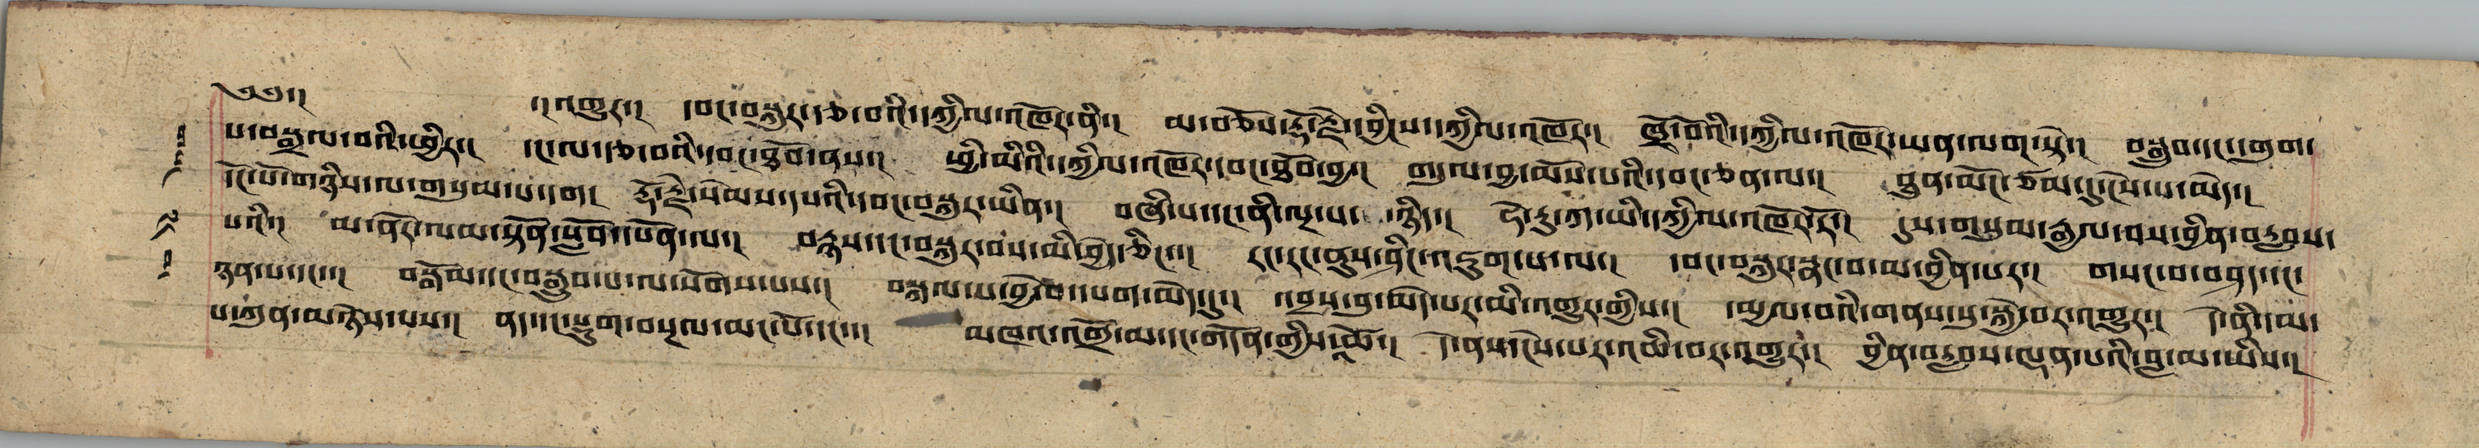༄༅་། ་།འགྱུར་། དབང་བསྐུར་རྩ་བའི་དཀྱིལ་འཁོར་ནི་། མ་བཅོས་རྡོ་རྗེ་དབྱིངས་དཀྱིལ་འཁོར་། ཁྲོ་བོའི་དཀྱིལ་འཁོར་ཡན་ལག་སྟེ་། བསྒྲུབ་དང་དགུག་
པ་བསྒྲལ་བའི་ཕྱིར་། དང་ལ་རྩ་བའི་དབང་ཐོབ་ནས་། ཕྱི་མའི་དཀྱིལ་འཁོར་དབང་ཐོབ་བྱ་། གདུལ་བྱ་མོས་པའི་དབང་ཅན་ལ་། ཐུན་མོང་ཙམ་དུ་ངེས་པ་མེད་།
དངོ་པོ་གཉིས་ལ་གསུམ་པ་དག། རྡོ་རྗེ་སེམས་དཔའི་དབང་བསྐུར་ཡིན་། བཞི་པ་དང་ནི་ལྔ་པ་ ཉིད་། ཧེ་རུ་ཀ་ཡི་དཀྱིལ་འཁོར་རོ་། དུས་གསུམ་རྒྱལ་བས་བྱིན་བརླབས་
པའི་། མ་ནོར་ལམ་སྟོན་སློབ་དཔོན་ལ་། བརྙས་དང་བསྐུར་བས་མི་བྱེད་ཅིང་་། རང་རང་ནུས་ཤིང་འཇུག་པ་ལ་། དབང་བསྐུར་སྣང་བ་མ་བྱིན་པར་། གསང་བ་བཤད་དང་
ཉན་པ་དང་་། བསྒོམ་དང་བསྒྲུབ་པ་ལ་སོགས་པས་། བསྐལ་པ་བྱེ་བ་དཔག་མེད་དུ་། འབྲས་བུ་མེད་པར་མི་འགྱུར་གྱིས་། དམྱལ་བའི་གནས་སུ་སྐྱེ་བར་འགྱུར་། དེ་ནི་དམ་
པ་ཀུན་མཉེས་པས་། ནད་དང་སྡུག་བསྔལ་མང་པོ་དང་་། མཁའ་འགྲོ་མ་དང་གདོན་གྱིས་འཚོ་། དེ་ནས་ངེས་པར་འཆི་བར་འགྱུར་། བྱིན་བརླབས་ལྡན་པའི་བླ་མ་ཡིས་།